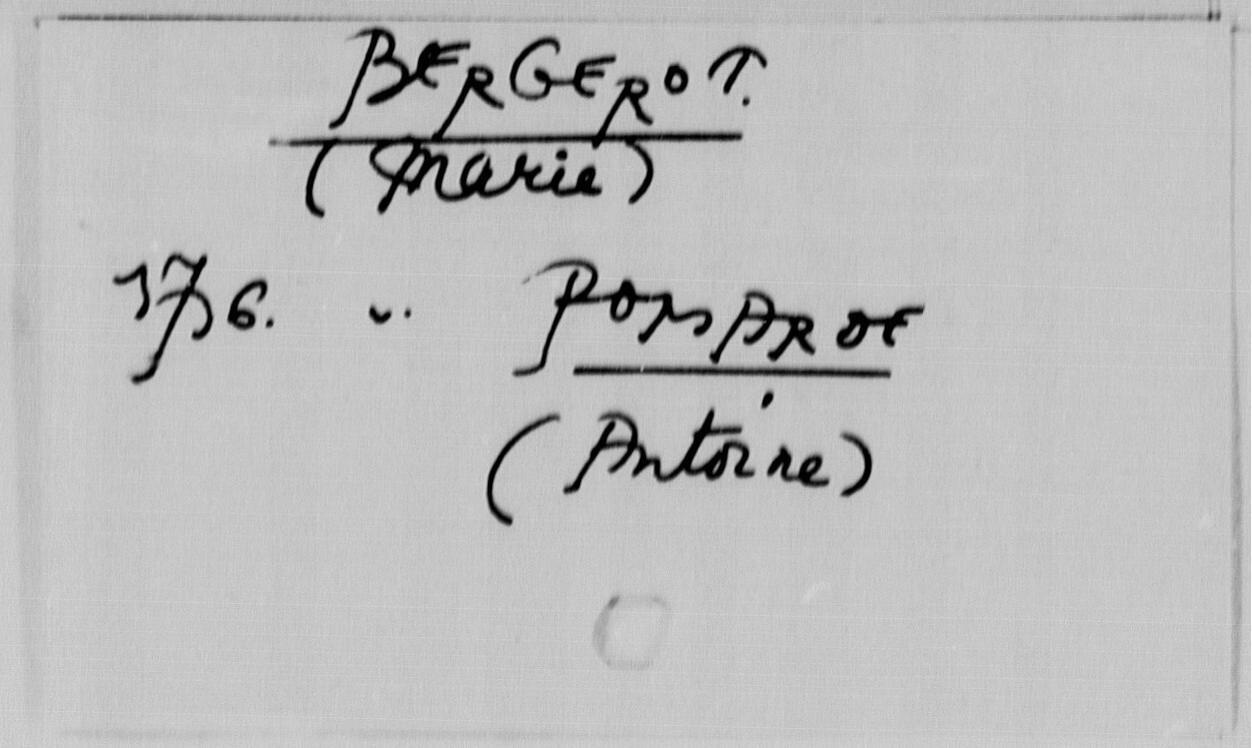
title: BERGEROT (Marie)
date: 1706
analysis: Voir Pomarde (Antoine)
